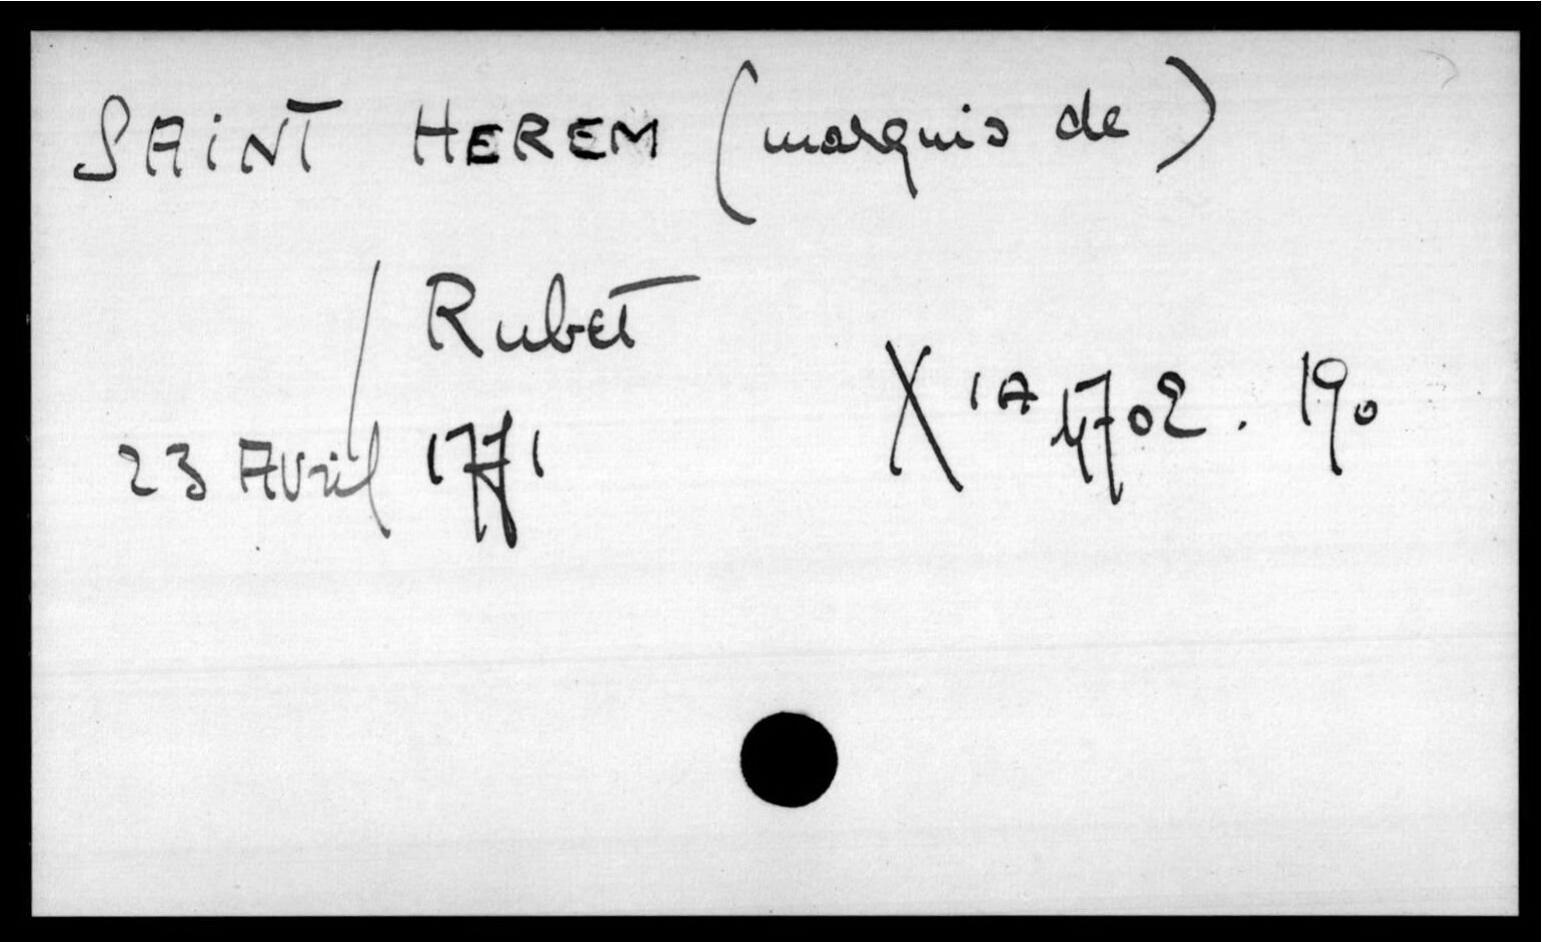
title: SAINT HEREM (marquis de)
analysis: Contre Rubet
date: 23 avril 1771
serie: X1A
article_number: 4702
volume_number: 190
